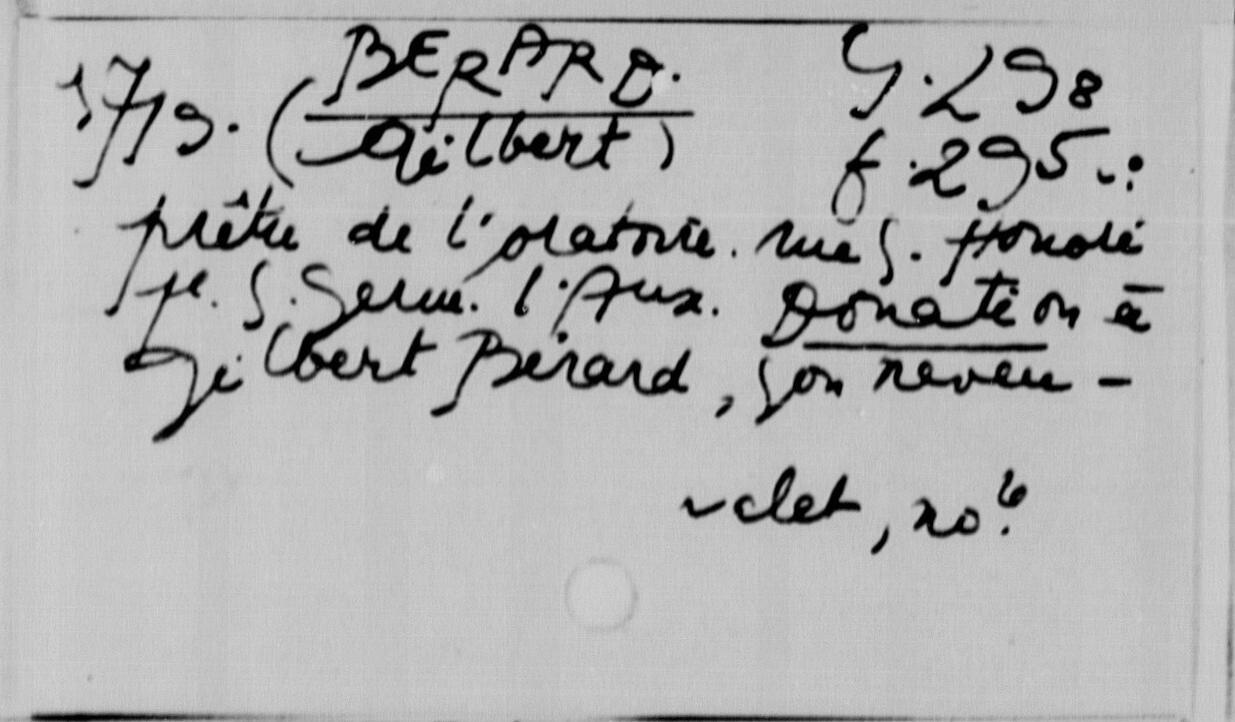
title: BÉRARD (Gilbert)
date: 1719
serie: Y
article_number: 298
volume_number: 295v
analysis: Prêtre de l'oratoire, rue Saint-Honoré, paroisse Saint-Germain-l'Auxerrois. Donation à Gilbert Bérard, son neveu. Velet, notaire.
